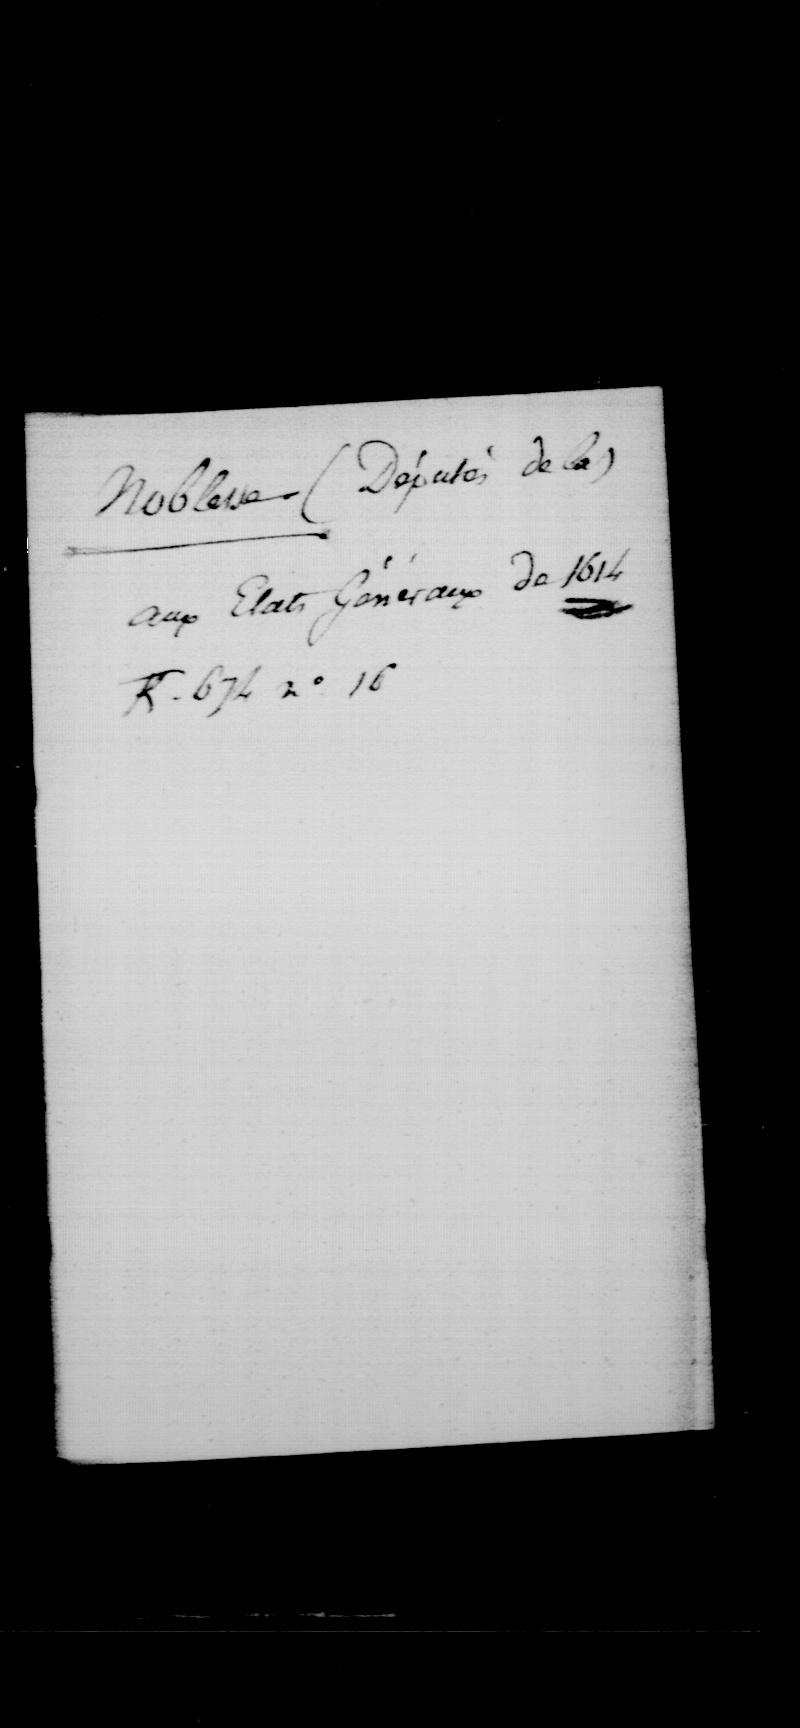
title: Noblesse (Députés de la)
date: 1614
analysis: aux États Généraux de 1614
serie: K
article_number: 674
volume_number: n° 16
